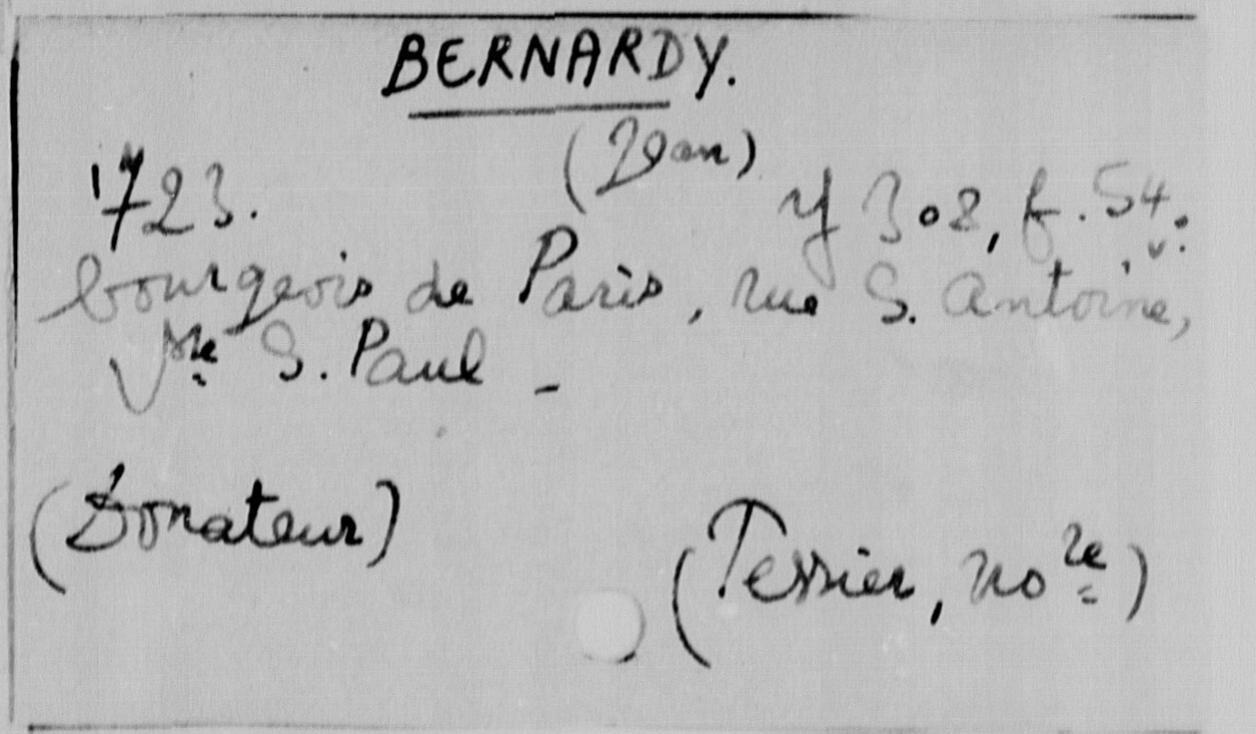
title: BERNARDY (Jean)
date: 1723
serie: Y
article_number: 308
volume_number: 54v
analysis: Bourgeois de Paris, rue Saint-Antoine, paroisse Saint-Paul. (Donateur) (Tessier, notaire)
